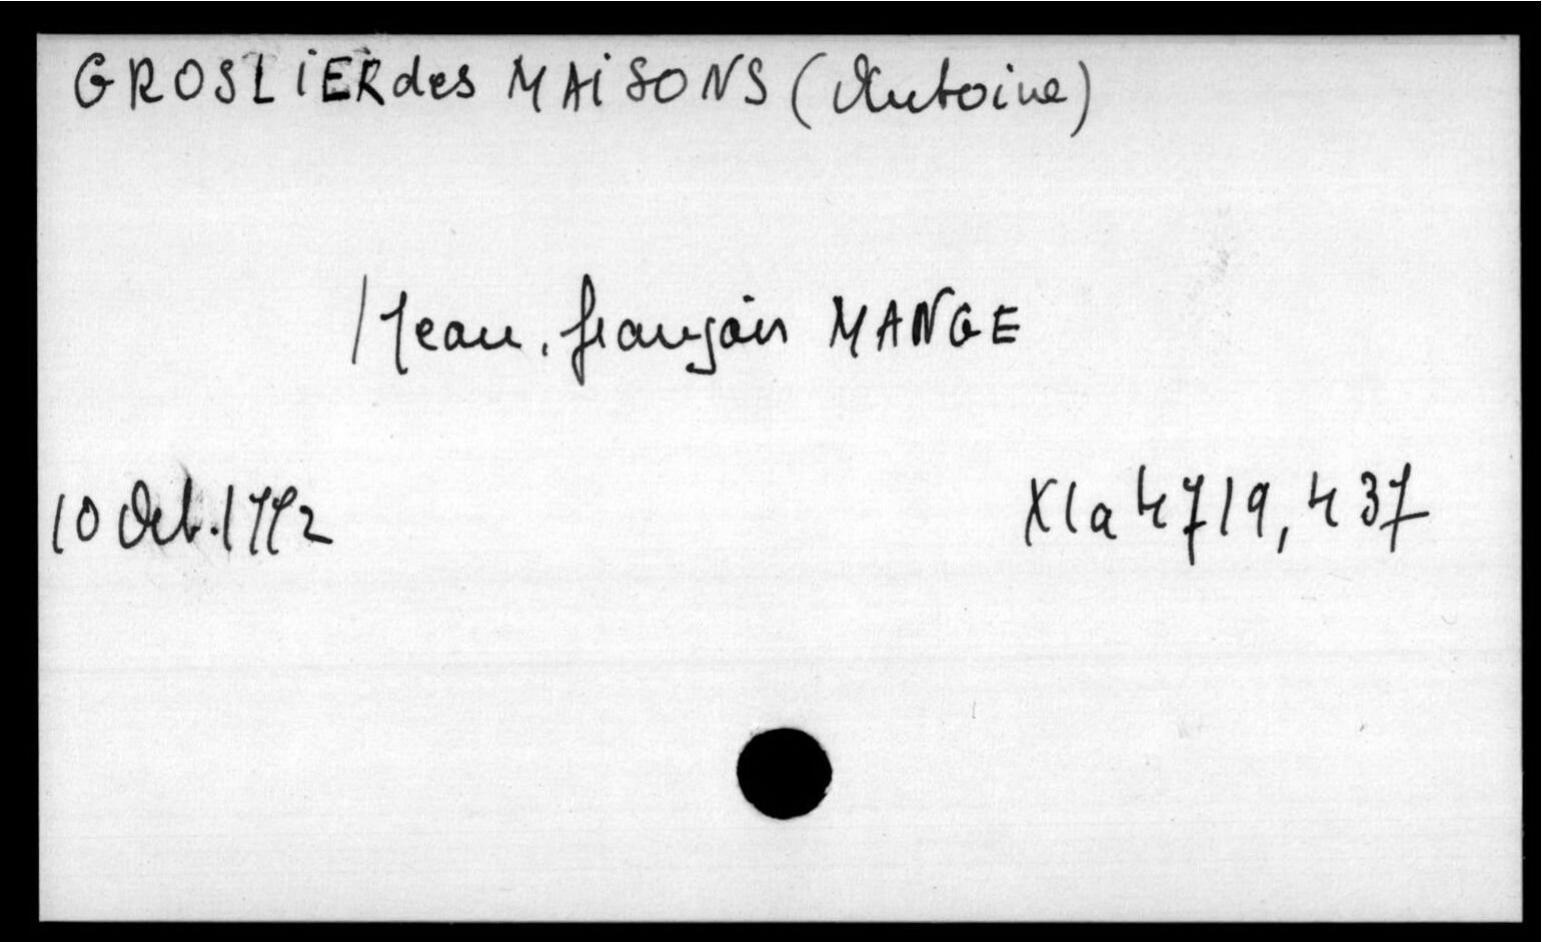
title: GROSLIER des MAISONS (Antoine)
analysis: Contre Jean François MANGE
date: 10 octobre 1772
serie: X1a
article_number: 4719
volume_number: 437
